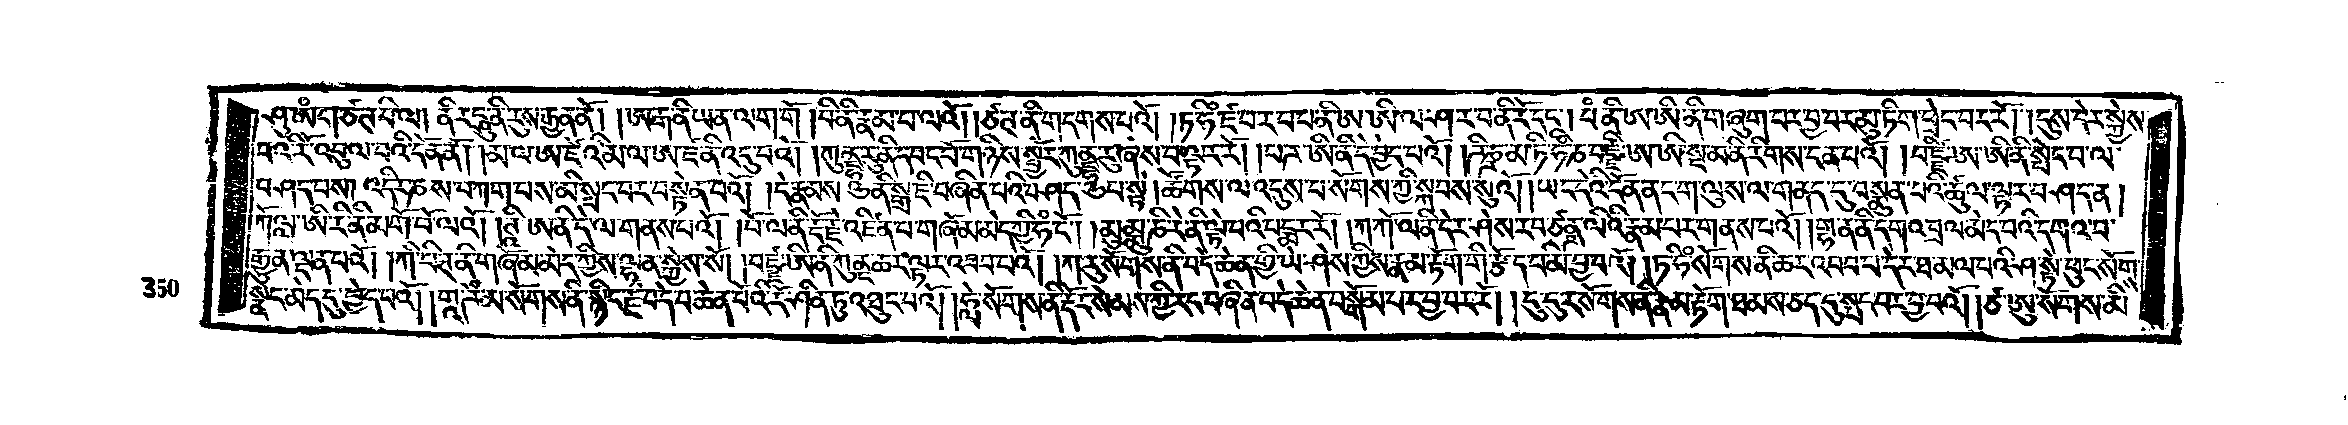ཤུ་ཨཾ་ག་ཙ་ཊ་བི་ལ། ནི་རདྴུ་ནི་རུས་རྒྱན་ནོ། །ཨརྒ་ནི་ཡན་ལག་གོ །བི་ནི་རྣམ་པ་ལའོ། །ཙ་ཊ་ནི་གདགས་པའོ། །ཏ་ཧིཾ་ཛ་བར་བ་པ་ནི་ཨ་ཨི་ལ་ཤར་བ་ནི་རོ་དང་། པཾ་ནི་ཨ་ཨི་ནི་གཞུག་པར་བྱ་བར་མུ་ཏིག་ཕྲེང་བར་རོ། །དུས་དེར་སྐྱེས་
བའི་རོ་འབུལ་བའི་དོན་ནོ། །མ་ལ་ཨ་ཛེའི་མི་ལ་ཨ་ཛ་ནི་འདུ་བའོ། །ཀུནྡྷཱུ་རུ་ནི་དབང་པོ་གཉིས་སྦྱོར་ཀུནྡྷཱུ་རུ་ཞེས་པ་ལྟར་རོ། །པ་ཌ་ཨི་ནི་དེ་བྱེད་པའོ། །ཌི་ཎྜ་མ་ཏི་ཧཾ་ཎི་བཛྫི་ཨ་ཨི་སྔ་མ་ནི་རིགས་ངན་པའོ། །བཛྫི་ཨ་ཨི་ནི་སྤོང་བ་ལ་
བཤད་པས། འདིར་ཎ་ས་བཀག་པས་མི་སྤང་བར་བསྟེན་པའོ། །དེ་རྣམས་ནི་སྒྲ་ཇི་བཞིན་པའི་བཤད་པ་སྟེ། ཚོགས་ལ་འདུས་པ་སོགས་ཀྱི་སྐབས་སུའོ། །ཡང་དེའི་དོན་ནང་ག་ལུས་ལ་གནད་དུ་བསྣུན་པའི་ཚུལ་ལྟར་བཤད་ན།
ཀོལླ་ཨི་རི་ནི་མགོ་བོ་ལའོ། །ཊཱི་ཨ་ནི་དེ་ལ་གནས་པའོ། །བོ་ལ་ནི་རྡོ་རྗེ་འཛིན་པ་གཞོམ་མེད་ཀྱི་ཧཾ་ངོ། །མུམྨུ་ཎི་རེ་ནི་ལྟེ་བའི་པདམར་རོ། །ཀ་ཀོ་ལ་ནི་དེར་ཤེས་རབ་ཙནྜ་ལིའི་རྣམ་པར་གནས་པའོ། །གྷ་ན་ནི་དགའ་བྲལ་མེད་པའི་དགའ་བ་
རྒྱུན་ལྡན་པའོ། །ཀི་པི་ཊ་ནི་གཞོམ་མེད་ཀྱིས་ལྷན་སྐྱེས་སོ། །བཛྫ་ཨི་ནི་ཀུནྡ་ཆར་ལྟར་འབབ་པའོ། །ཀ་རུ་སོགས་ནི་བདེ་ཆེན་གྱི་ཡེ་ཤེས་ཀྱིས་རྣམ་རྟོག་གི་རྩོད་པ་མི་བྱ་བའོ། །ཏ་ཧིཾ་སོགས་ནི་ཆར་འབབ་པ་དེར་ཐ་མལ་པའི་ཤ་སྟེ་ཕུང་སོགས་
སྣང་མེད་དུ་བྱེད་པའོ། །གཱ་ཌེཾ་མ་སོགས་ནི་སྙིང་རྗེ་བདེ་བ་ཆེན་པོའི་རོ་ཤིན་ཏུ་འཐུང་བའོ། །ཧླེ་སོགས་ནི་རྡོར་སེམས་ཀྱི་རང་བཞིན་བདེ་ཆེན་བསྒོམ་པར་བྱ་བར་རོ། །དུ་དུ་ར་སོགས་ནི་རྣམ་རྟོག་ཐམས་ཅད་དུ་སྤང་བར་བྱ་བའོ། །ཙ་ཨུ་སོགས་མི་